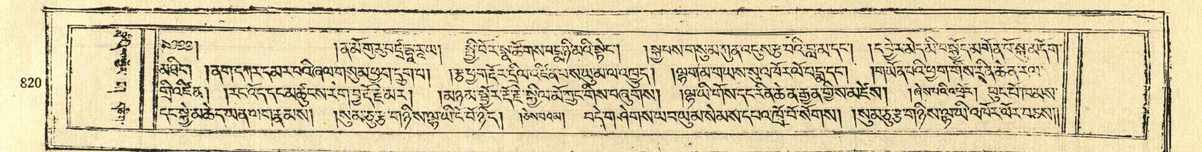༄༅༅། །ན་མོ་གུ་རུ་བཛྲ་དྷཱ་རཱ་ཡ། སྤྱི་བོར་སྣ་ཚོགས་པདམ་ཉི་མའི་སྟེང་། །སྐྱབས་གསུམ་ཀུན་འདུས་རྩ་བའི་བླ་མ་དང་། །དབྱེར་མེད་མི་བསྐྱོད་མགོན་པོ་སྐུ་མདོག་
མཐིང་། །ནག་དཀར་དམར་བའི་ཞལ་གསུམ་ཕྱག་དྲུག་པ། །རྩ་ཕྱག་རྡོར་དྲིལ་འཛིན་པས་ཡུམ་ལ་འཁྱུད། །ལྷག་མ་གཡས་སུ་འཁོར་ལོ་པདམ་དང་། །གཡོན་པའི་ཕྱག་གིས་རིན་ཆེན་རལ་
གྲི་འཛིན། །རང་འོད་དང་མཚུངས་རེག་བྱ་རྡོ་རྗེ་མར། །མཉམ་སྦྱོར་རྡོ་རྗེ་སྐྱིལ་མོ་ཀྲུང་གིས་བཞུགས། །ལྷ་ཡི་གོས་དང་རིན་ཆེན་རྒྱན་གྱིས་མཛེས། །ཞེས་པའི་འཕྲོར།  ཕུང་པོ་ཁམས་
དང་སྐྱེ་མཆེད་ཡན་ལག་རྣམས། །སུམ་ཅུ་རྩ་གཉིས་ལྷ་ཡི་ངོ་བོ་ཉིད། །ཅེས་པའམ།  བདེ་གཤེགས་ཡབ་ཡུམ་སེམས་དཔའ་ཁྲོ་བོ་སོགས། །སུམ་ཅུ་རྩ་གཉིས་ལྷ་ཡི་འཁོར་ལོར་བཅས།།